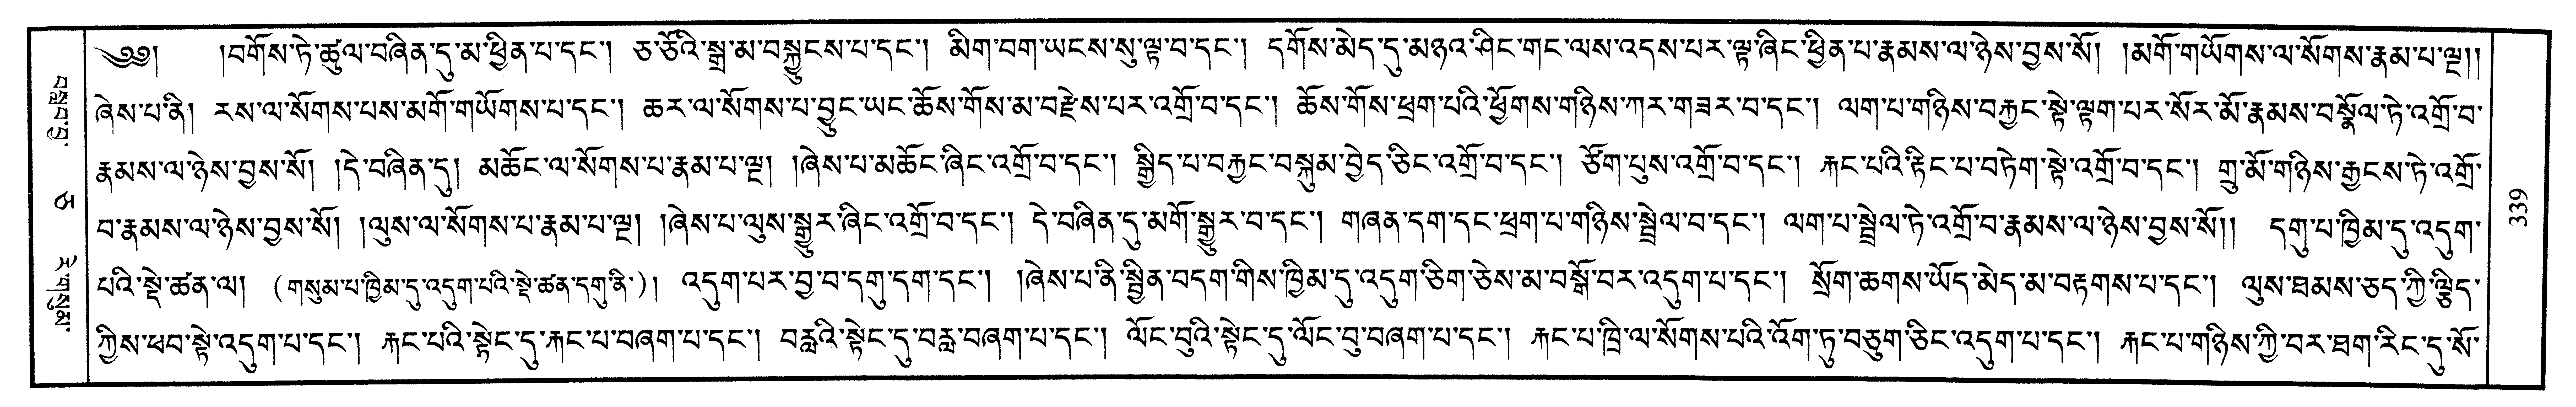༄༅། །བགོས་ཏེ་ཚུལ་བཞིན་དུ་མ་ཕྱིན་པ་དང་། ཅ་ཅོའི་སྒྲ་མ་བསྐྱུངས་པ་དང་། མིག་བག་ཡངས་སུ་ལྟ་བ་དང་། དགོས་མེད་དུ་མཉའ་ཤིང་གང་ལས་འདས་པར་ལྟ་ཞིང་ཕྱིན་པ་རྣམས་ལ་ཉེས་བྱས་སོ། །མགོ་གཡོགས་ལ་སོགས་རྣམ་པ་ལྔ།།
ཞེས་པ་ནི། རས་ལ་སོགས་པས་མགོ་གཡོགས་པ་དང་། ཆར་ལ་སོགས་པ་བྱུང་ཡང་ཆོས་གོས་མ་བརྫེས་པར་འགྲོ་བ་དང་། ཆོས་གོས་ཕྲག་པའི་ཕྱོགས་གཉིས་ཀར་གཟར་བ་དང་། ལག་པ་གཉིས་བརྐྱང་སྟེ་ལྟག་པར་སོར་མོ་རྣམས་བསྣོལ་ཏེ་འགྲོ་བ་
རྣམས་ལ་ཉེས་བྱས་སོ། །དེ་བཞིན་དུ། མཆོང་ལ་སོགས་པ་རྣམ་པ་ལྔ། །ཞེས་པ་མཆོང་ཞིང་འགྲོ་བ་དང་། སྒྱིད་པ་བརྐྱང་བསྐུམ་བྱེད་ཅིང་འགྲོ་བ་དང་། ཙོག་པུས་འགྲོ་བ་དང་། རྐང་པའི་རྟིང་པ་བཏེག་སྟེ་འགྲོ་བ་དང་། གྲུ་མོ་གཉིས་རྒྱངས་ཏེ་འགྲོ་
བ་རྣམས་ལ་ཉེས་བྱས་སོ། །ལུས་ལ་སོགས་པ་རྣམ་པ་ལྔ། །ཞེས་པ་ལུས་སྒྱུར་ཞིང་འགྲོ་བ་དང་། དེ་བཞིན་དུ་མགོ་སྒྱུར་བ་དང་། གཞན་དག་དང་ཕྲག་པ་གཉིས་སྦྲེལ་བ་དང་། ལག་པ་སྦྲེལ་ཏེ་འགྲོ་བ་རྣམས་ལ་ཉེས་བྱས་སོ།། དགུ་པ་ཁྱིམ་དུ་འདུག་
པའི་སྡེ་ཚན་ལ། གསུམ་པ་ཁྱིམ་དུ་འདུག་པའི་སྡེ་ཚན་དགུ་ནི། འདུག་པར་བྱ་བ་དགུ་དག་དང་། །ཞེས་པ་ནི་སྦྱིན་བདག་གིས་ཁྱིམ་དུ་འདུག་ཅིག་ཅེས་མ་བསྒོ་བར་འདུག་པ་དང་། སྲོག་ཆགས་ཡོད་མེད་མ་བརྟགས་པ་དང་། ལུས་ཐམས་ཅད་ཀྱི་ལྕིད་
ཀྱིས་ཕབ་སྟེ་འདུག་པ་དང་། རྐང་པའི་སྟེང་དུ་རྐང་པ་བཞག་པ་དང་། བརླའི་སྟེང་དུ་བརླ་བཞག་པ་དང་། ལོང་བུའི་སྟེང་དུ་ལོང་བུ་བཞག་པ་དང་། རྐང་པ་ཁྲི་ལ་སོགས་པའི་འོག་ཏུ་བཅུག་ཅིང་འདུག་པ་དང་། རྐང་པ་གཉིས་ཀྱི་བར་ཐག་རིང་དུ་སོ་